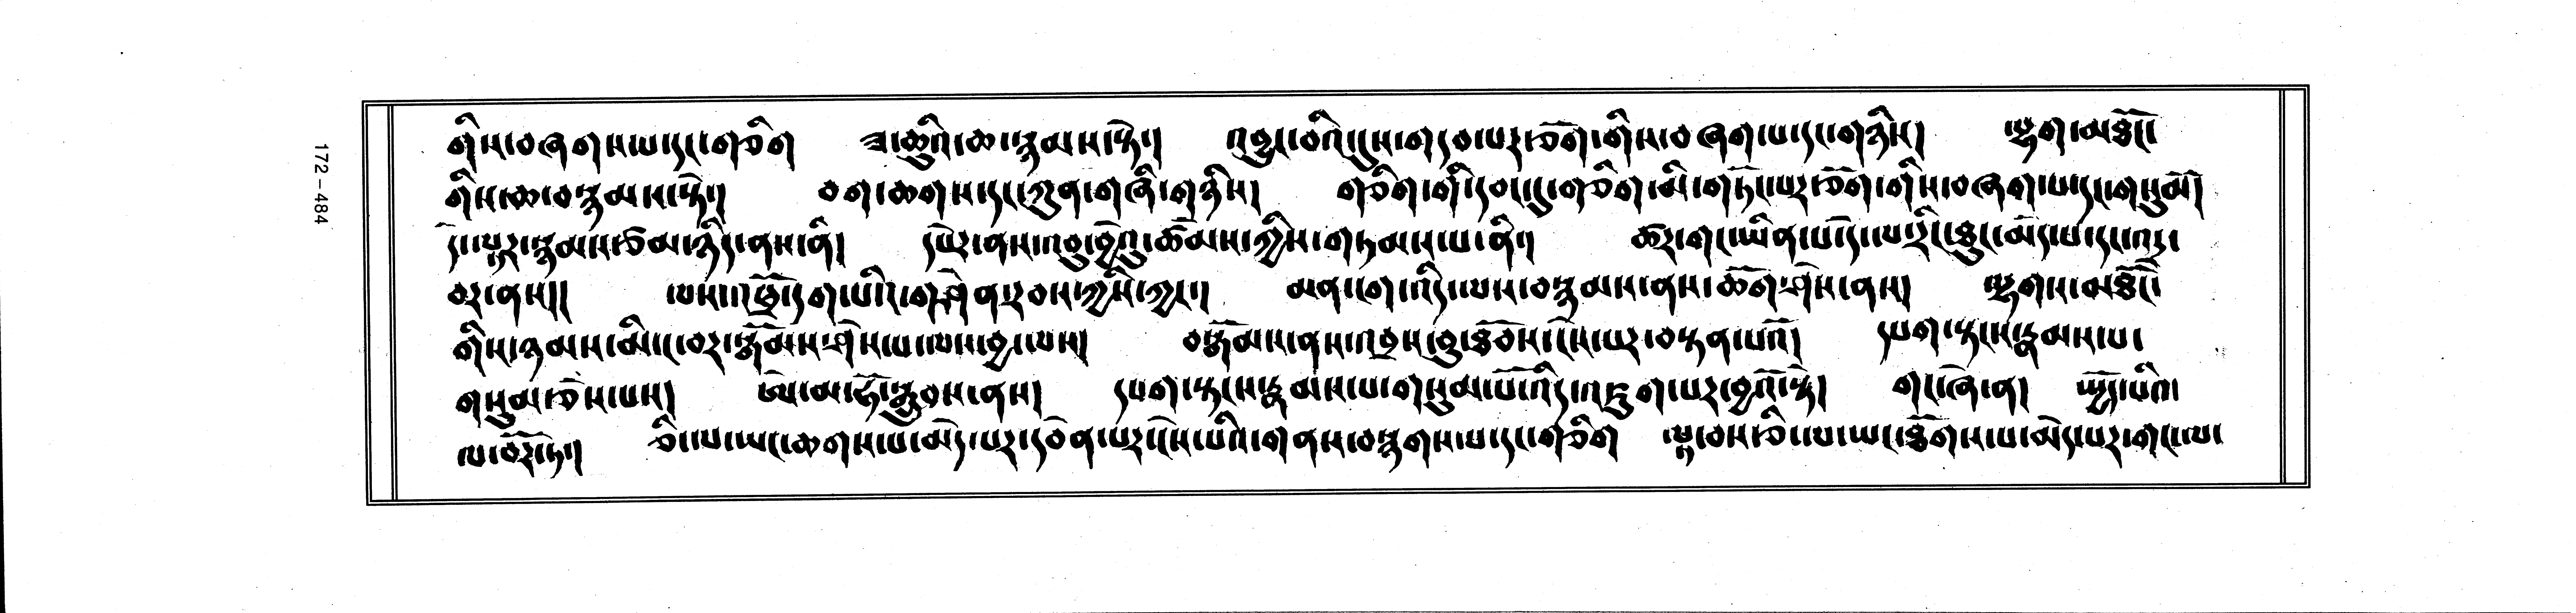གིས་བཞགས་པ་དང་གཅིག ཟ་ཆུའི་ཆ་སྙམས་སྟེ། འབྱུང་བའི་དུས་གདབ་པར་ཅོག་གིས་བཞག་པ་དང་གཉིས། ལྷག་མཐོང་
གིས་ཆ་བསྙོམས་སྟེ། བག་ཆགས་དང་ཀུན་གཞི་གཉིས། གཅིག་གི་དབང་དུ་གཅིག་མི་གཏོང་པར་ཅོག་གིས་བཞག་པ་དང་གསུམ་མོ། 
དེ་ལྟར་སྙམས་ཙམ་ཉིད་ནས་ནི། དཔེར་ནས་འབུ་བྱེའུ་ཚོམས་ཀྱིས་གཏམས་པ་ནི། ཚང་གང་ཡིན་པ་དེ་ལ་རིང་ཐུང་མེད་པ་དང་འདྲ་
བར་ནས། ལས་འཕྲོ་དག་པའི་གཤེན་རབ་ཀྱིས་ཀྱང་། མན་ངག་འདི་ལས་བསྙམས་ནས་ཆོག་ཤེས་ནས། ལྷགས་མཐོང་
གིས་ཉམས་མི་མངའ་བར་སྒོམས་ཤེས་པ་ལས་བྱ་ལས། བསྒོམས་ནས་འབྲས་བུ་ཐོབས་ངེས་པར་བསྟན་པའོ། དཔག་སྟངས་རྣམ་པ་
གསུམ་ཅེས་པས། ཨེ་མ་ཧོ་སྒྲུབས་ནས། དཔག་སྟངས་རྣམ་པ་གསུམ་པོ་འདི་འཇུག་པར་བྱའོ་སྟེ། གང་ཞེ་ན། སྤྱོད་པའི་
ལ་བོར་ཏེ། ཅི་ལ་ཡང་ཆགས་པ་མེད་པར་དབེན་པར་ངེས་པའི་གནས་བསྙགས་པ་དང་གཅིག ལྟ་བས་ཅི་ལ་ཡང་ཐོགས་པ་མེད་པར་གང་ལ་ཡང་